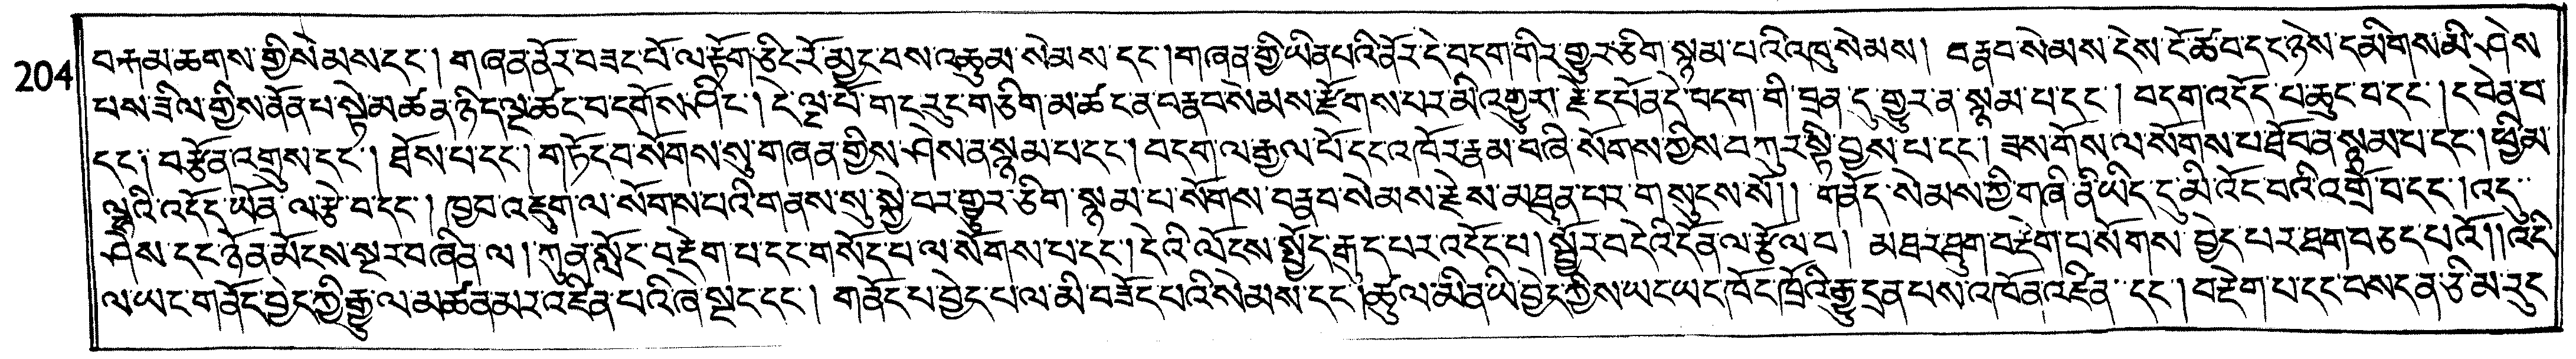བརྐམ་ཆགས་གྱི་སེམས་དང་། གཞན་ནོར་བཟང་པོ་ལ་རྟོག་ཅིང་རོ་མྱང་བས་འཆུམ་སེམས་དང་། གཞན་གྱི་ཡིན་པའི་ནོར་དེ་བདག་གིར་གྱུར་ཅིག་སྙམ་པའི་འཁུ་སེམས། བརྣབ་སེམས་དེས་ངོ་ཚ་བ་དང་ཉེས་དམིགས་མི་ཤེས་
པས་ཟིལ་གྱིས་ནོན་པ་སྟེ་མཚན་ཉིད་ལྔ་ཚང་བ་དགོས་ཤིང་། དེ་ལྔ་པོ་གང་རུང་གཅིག་མ་ཚང་ན་བརྣབ་སེམས་རྫོགས་པར་མི་འགྱུར། རྗེ་དཔོན་དེ་བདག་གི་བྲན་དུ་གྱུར་ན་སྙམ་པ་དང་། བདག་འདོད་པ་ཆུང་བ་དང་། དབེན་པ་
དང༑ བརྩོན་འགྲུས་དང་། ཐོས་པ་དང་། གཏོད་བ་སོགས་སུ་གཞན་གྱིས་ཤེས་ན་སྙམ་པ་དང་། བདག་ལ་རྒྱལ་པོ་དང་འཁོར་རྣམ་བཞི་སོགས་ཀྱིས་བཀུར་སྟི་བྱས་པ་དང་། ཟས་གོས་ལ་སོགས་པ་ཐོབ་ན་སྙམ་པ་དང་། ཕྱི་མ་
ལྷའི་འདོད་ཡོན་ལ་རྩེ་བ་དང་། ཁྱབ་འཇུག་ལ་སོགས་པའི་གནས་སུ་སྐྱེ་བར་གྱུར་ཅིག་སྙམ་པ་སོགས་བརྣབ་སེམས་རྗེས་མཐུན་པར་གསུངས་སོ། །གནོད་སེམས་ཀྱི་གཞི་ནི་ཡིད་དུ་མི་འོང་བའི་འགྲོ་བ་དང་། འདུ་
ཤེས་དང་ཉོན་མོངས་སྔར་བཞིན་ལ། ཀུན་སློང་བརྡེག་པ་དང་གསོད་པ་ལ་སོགས་པ་དང་། དེའི་ལོངས་སྤྱོད་རྒུད་པར་འདོད་པ། སྦྱོར་བདེའི་དོན་ལ་རྩོལ་བ། མཐར་ཐུག་བརྡེག་པ་སོགས་བྱེད་པར་ཐག་བཅད་པའོ། །འདི་
ལ་ཡང་གནོད་བྱེད་ཀྱི་རྒྱུ་ལ་མཚན་མར་འཛིན་པའི་ཞེ་སྡང་དང་། གནོད་པ་བྱེད་པ་ལ་མི་བཟོད་པའི་སེམས་དང་། ཚུལ་མིན་ཡི་བྱེད་ཀྱིས་ཡང་ཡང་ཁོང་ཁྲོའི་རྒྱུ་དྲན་པས་འཁོན་འཛིན་དང་། བརྡེག་པ་དང་བསད་ན་ཅི་མ་རུང་